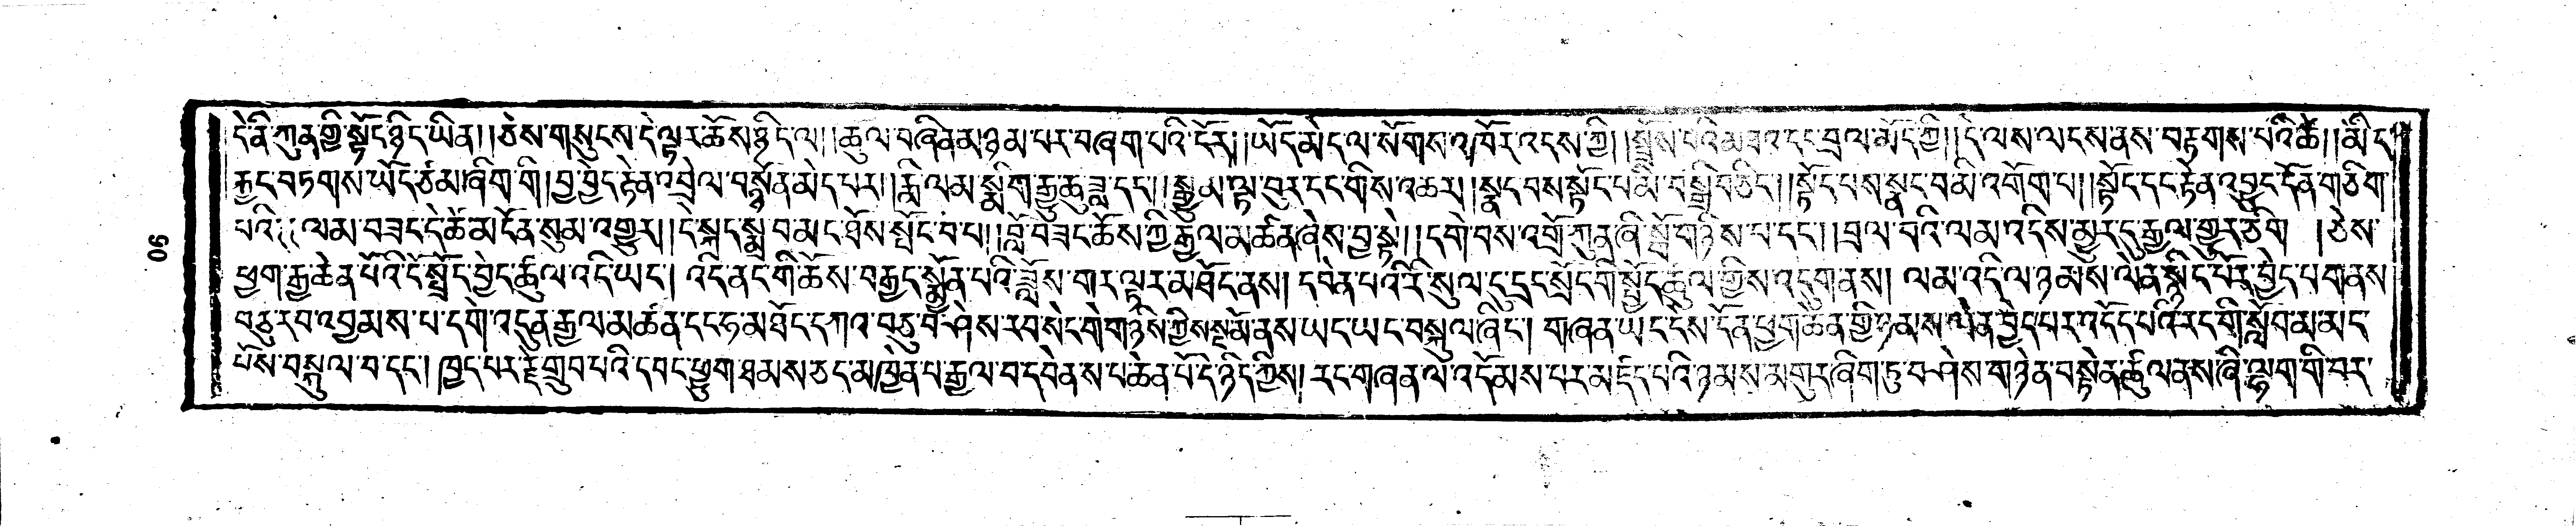དེ་ནི་ཀུན་གྱི་སྟོང་ཉིད་ཡིན། །ཅེས་གསུངས་དེ་ལྟར་ཆོས་ཉིད་ལ། །ཚུལ་བཞིན་མཉམ་པར་བཞག་པའི་ངོར། །ཡོད་མེད་ལ་སོགས་འཁོར་འདས་ཀྱི། །སྤྲོས་པའི་མཐའ་དང་བྲལ་མོད་ཀྱི། །དེ་ལས་ལངས་ནས་བརྟགས་པའི་ཚེ། །མིང་
རྐྱང་བཏགས་ཡོད་ཙམ་ཞིག་གི །བྱ་བྱེད་རྟེན་འབྲེལ་བསྙོན་མེད་པར། །རྨི་ལམ་སྨིག་རྒྱུ་ཆུ་ཟླ་དང་། །སྒྱུ་མ་ལྟ་བུར་ངང་གིས་འཆར། །སྣང་བས་སྟོང་པ་མ་བསྒྲིབ་ཅིང་། །སྟོང་པས་སྣང་བ་མི་འགོག་པ། །སྟོང་དང་རྟེན་འབྱུང་དོན་གཅིག་
པའི། །ལམ་བཟང་དེ་ཚེ་མངོན་སུམ་འགྱུར། །དེ་སྐད་སྨྲ་བ་མང་ཐོས་སྤོང་བ་པ། །བློ་བཟང་ཆོས་ཀྱི་རྒྱལ་མཚན་ཞེས་བྱ་སྟེ། །དགེ་བས་འགྲོ་ཀུན་ཞི་སྒོ་གཉིས་པ་དང་། །བྲལ་བའི་ལམ་འདིས་མྱུར་དུ་རྒྱལ་གྱུར་ཅིག །ཅེས་
ཕྱག་རྒྱ་ཆེན་པོའི་ངོ་སྤྲོད་བྱེད་ཚུལ་འདི་ཡང་། འདི་ནང་གི་ཆོས་བརྒྱད་སྨྱོན་པའི་ཟློས་གར་ལྟར་མཐོང་ནས། དབེན་པའི་རི་སུལ་དུ་དྲང་སྲོང་གི་སྤྱོད་ཚུལ་གྱིས་འདུག་ནས། ལམ་འདི་ལ་ཉམས་ལེན་སྙིང་པོར་བྱེད་པ་གནས་
བཅུ་རབ་འབྱམས་པ་དགེ་འདུན་རྒྱལ་མཚན་དང་ཧམ་ཐོང་དཀའ་བཅུ་པ་ཤེས་རབ་སེང་གེ་གཉིས་ཀྱིས་སྔ་མོ་ནས་ཡང་ཡང་བསྐུལ་ཞིང་། གཞན་ཡང་ངེས་དོན་ཕྱག་ཆེན་གྱི་ཉམས་ལེན་བྱེད་པར་འདོད་པའི་རང་གི་སློབ་མ་མང་
པོས་བསྐུལ་བ་དང་། ཁྱད་པར་རྗེ་གྲུབ་པའི་དབང་ཕྱུག་ཐམས་ཅད་མཁྱེན་པ་རྒྱལ་བ་དབེན་ས་པ་ཆེན་པོ་དེ་ཉིད་ཀྱིས། རང་གཞན་ལ་འདོམས་པར་མཛད་པའི་ཉམས་མགུར་ཞིག་ཏུ་བཤེས་གཉེན་བརྟེན་ཚུལ་ནས་ཞི་ལྷག་གི་བར་